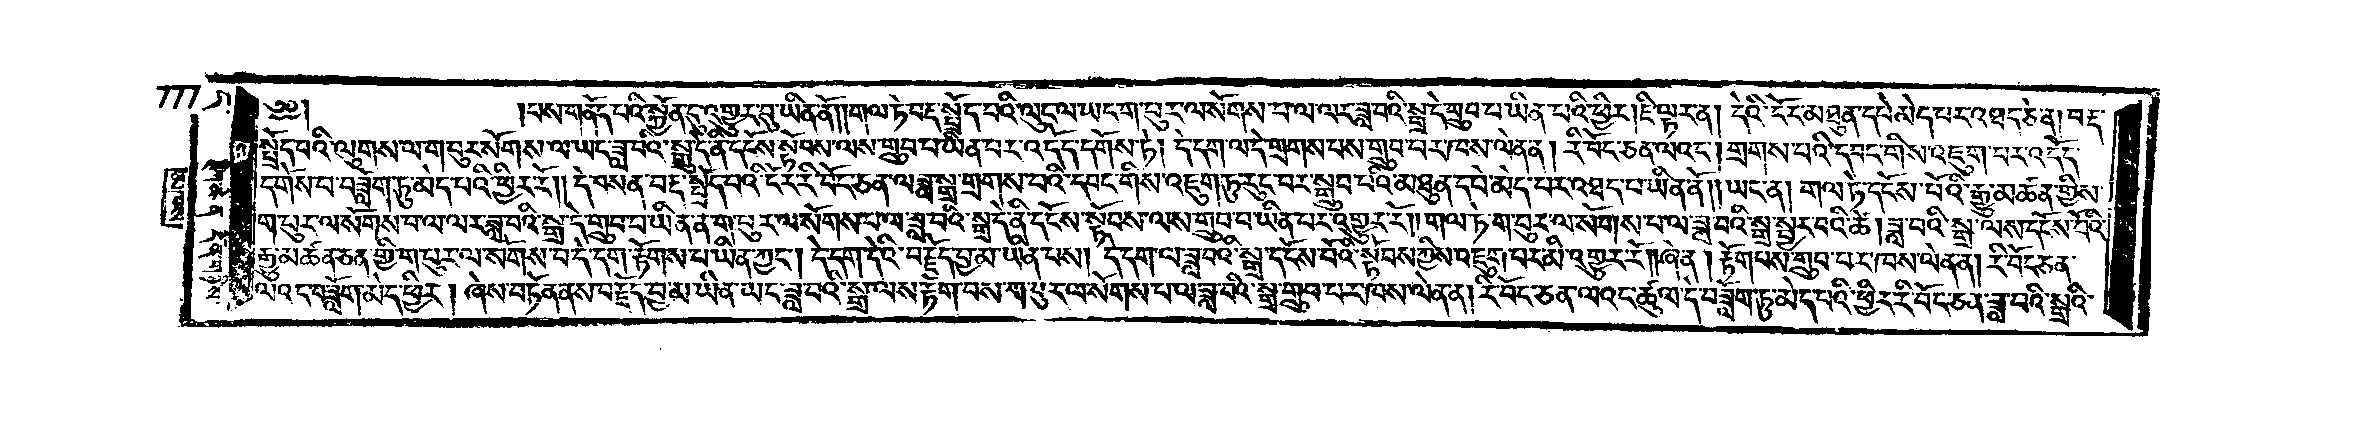༄༅། །པས་གནོད་པའི་སྐྱོན་དུ་འགྱུར་བུ་ཡིན་ནོ། །གལ་ཏེ་བརྡ་སྤྲོད་པའི་ལུང་ལ་ཡང་ག་བུར་ལ་སོགས་པ་ལ་ལར་ཟླ་བའི་སྒྲ་དེ་གྲུབ་པ་ཡིན་པའི་ཕྱིར། ཇི་ལྟར་ན། དེའི་ངོར་མཐུན་དཔེ་མེད་པར་འཐད་ཅེ་ན། བརྡ་
སྤྲོད་པའི་ལུགས་ལ་ག་བུར་སོགས་ལ་ཡང་ཟླ་བའི་སྒྲ་དེ་ནི་དངོས་སྟོབས་ལས་གྲུབ་པ་ཡིན་པར་འདོད་དགོས་ཏེ། དེ་དག་ལ་དེ་གྲགས་པས་གྲུབ་པར་ཁས་ལེན་ན། རི་བོང་ཅན་ལའང་། གྲགས་པའི་དབང་གིས་འཇུག་པར་འདོད་
དགོས་པ་བཟློག་ཏུ་མེད་པའི་ཕྱིར་རོ། །དེ་བས་ན་བརྡ་སྤྲོད་པའི་ངོར་རི་བོང་ཅན་ལ་ཟླ་སྒྲ་གྲགས་པའི་དབང་གིས་འཇུག་ཏུ་རུང་བར་སྒྲུབ་པའི་མཐུན་དཔེ་མེད་པར་འཐད་པ་ཡིན་ནོ། །ཡང་ན། གལ་ཏེ་དངོས་པོའི་རྒྱུ་མཚན་གྱིས་
ག་བུར་ལ་སོགས་པ་ལ་ལར་ཟླ་བའི་སྒྲ་དེ་གྲུབ་པ་ཡིན་ན་ག་བུར་ལ་སོགས་པ་ལ་ཟླ་བའི་སྒྲ་དེ་ནི་དངོས་སྟོབས་ལས་གྲུབ་པ་ཡིན་པར་འགྱུར་རོ། །གལ་ཏེ་ག་བུར་ལ་སོགས་པ་ལ་ཟླ་བའི་སྒྲ་སྦྱར་བའི་ཚེ། ཟླ་བའི་སྒྲ་ལས་དངོས་པོའི་
རྒྱུ་མཚན་ཅན་གྱིས་ག་པུར་ལ་སོགས་པ་དེ་དག་རྟོགས་པ་ཡིན་ཀྱང་། དེ་དག་དེའི་བརྗོད་བྱ་མ་ཡིན་པས། དེ་དག་ལ་ཟླ་བའི་སྒྲ་དངོས་པོའི་སྟོབས་ཀྱིས་འཇུག་པར་མི་འགྱུར་རོ། །ཞེ་ན། རྟོག་པས་གྲུབ་པར་ཁས་ལེན་ན། རི་བོང་ཅན་
ལའང་བཟློག་མེད་ཕྱིར། ཞེས་བཏོན་ནས་བརྗོད་བྱ་མ་ཡིན་ཡང་ཟླ་བའི་སྒྲ་ལས་རྟོག་པས་ག་བུར་ལ་སོགས་པ་ལ་ཟླ་བའི་སྒྲ་གྲུབ་པར་ཁས་ལེན་ན། རི་བོང་ཅན་ལའང་ཚུལ་དེ་བཟློག་ཏུ་མེད་པའི་ཕྱིར་རི་བོང་ཅན་ཟླ་བའི་སྒྲའི་